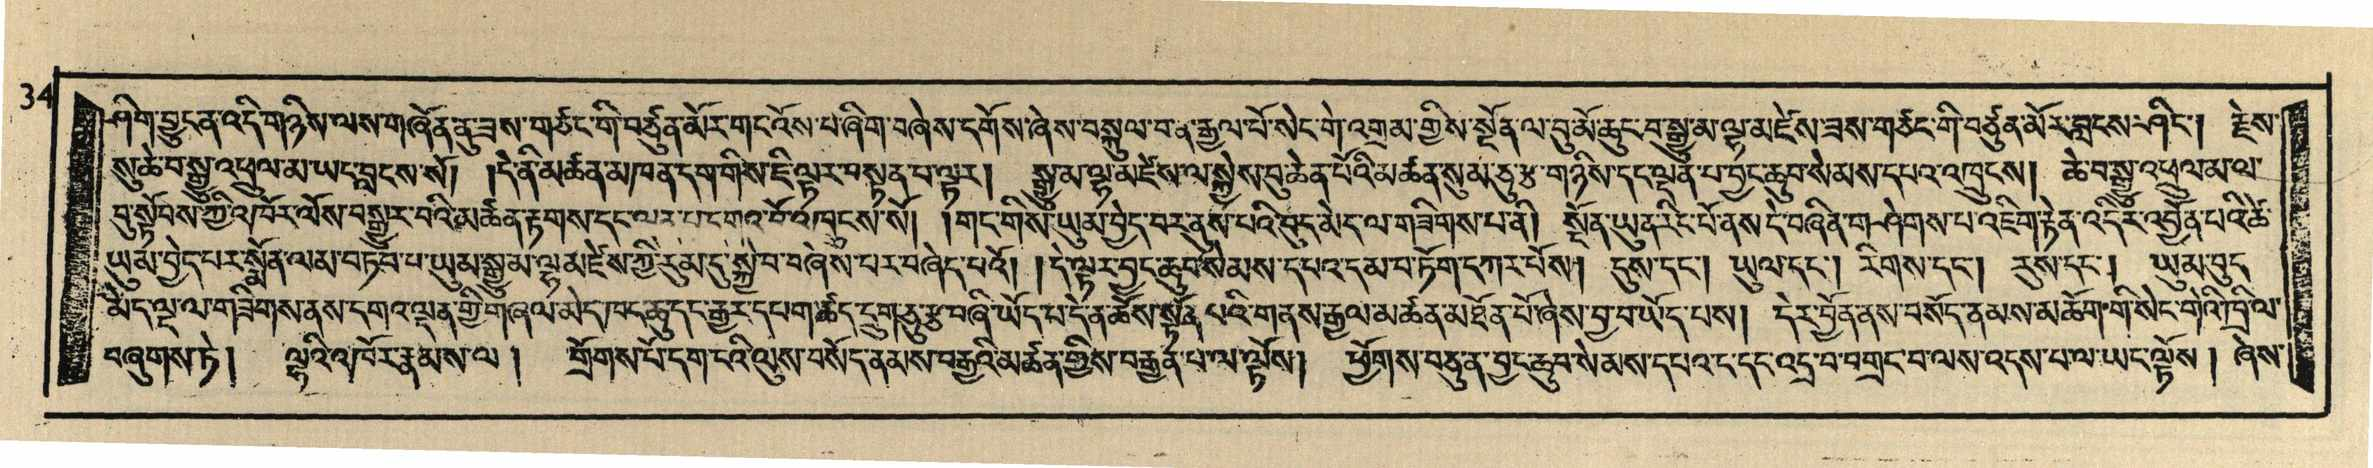ཤིག་བྱུང་ན་འདི་གཉིས་ལས་གཞོན་ནུ་ཟས་གཙང་གི་བཙུན་མོར་གང་འོས་པ་ཞིག་བཞེས་དགོས་ཞེས་བསྐུལ་བ་ན་རྒྱལ་པོ་སེང་གེ་འགྲམ་གྱིས་སྔོན་ལ་བུ་མོ་ཆུང་བ་སྒྱུ་མ་ལྷ་མཛེས་ཟས་གཙང་གི་བཙུན་མོར་བླངས་ཤིང་། རྗེས་
སུ་ཆེ་བ་སྒྱུ་འཕྲུལ་མ་ཡང་བླངས་སོ། །དེ་ནི་མཚན་མཁན་དག་གིས་ཇི་ལྟར་བསྟན་པ་ལྟར། སྒྱུ་མ་ལྷ་མཛེས་ལ་སྐྱེས་བུ་ཆེན་པོའི་མཚན་སུམ་ཅུ་རྩ་གཉིས་དང་ལྡན་པ་བྱང་ཆུབ་སེམས་དཔའ་འཁྲུངས། ཆེ་བ་སྒྱུ་འཕྲུལ་མ་ལ་
བུ་སྟོབས་ཀྱི་འཁོར་ལོས་བསྒྱུར་བའི་མཚན་རྟགས་དང་ལན་པ་དགའ་བོ་འཁྲུངས་སོ། །གང་གིས་ཡུམ་བྱེད་བར་ནུས་པའི་བུད་མེད་ལ་གཟིགས་པ་ནི། སྔོན་ཡུན་རིང་པོ་ནས་དེ་བཞིན་གཤེགས་པ་འཇིག་རྟེན་འདིར་འབྱོན་པའི་ཚེ་
ཡུམ་བྱེད་པར་སྨོན་ལམ་བཏབ་པ་ཡུམ་སྒྱུ་མ་ལྷ་མཛེས་ཀྱི་རུམ་དུ་སྐྱེ་བ་བཞེས་པར་བཞེད་པའོ། །དེ་ལྟར་བྱང་ཆུབ་སེམས་དཔའ་དམ་བ་ཏོག་དཀར་པོས། དུས་དང་། ཡུལ་དང་། རིགས་དང་། རུས་དང་། ཡུམ་བུད་
མེད་ལྔ་ལ་གཟིགས་ནས་དགའ་ལྡན་གྱི་གཞལ་མེད་ཁང་ཆུ་དང་རྒྱར་དཔག་ཚད་དྲུག་ཅུ་རྩ་བཞི་ཡོད་པ་དེ་ན་ཆོས་སྟོན་པའི་གནས་རྒྱལ་མཚན་མཐོན་པོ་ཞེས་བྱ་བ་ཡོད་པས། དེར་བྱོན་ནས་བསོད་ནམས་མཆོག་གི་སེང་གེའི་ཁྲི་ལ་
བཞུགས་ཏེ། ལྷའི་འཁོར་རྣམས་ལ། གྲོགས་པོ་དག་ངའི་ལུས་བསོད་ནམས་བརྒྱའི་མཚན་གྱིས་བརྒྱན་པ་ལ་ལྟོས། ཕྱོགས་བཅུ་ན་བྱང་ཆུབ་སེམས་དཔའ་ང་དང་འདྲ་བ་བགྲང་བ་ལས་འདས་པ་ལ་ཡང་ལྟོས། ཞེས་